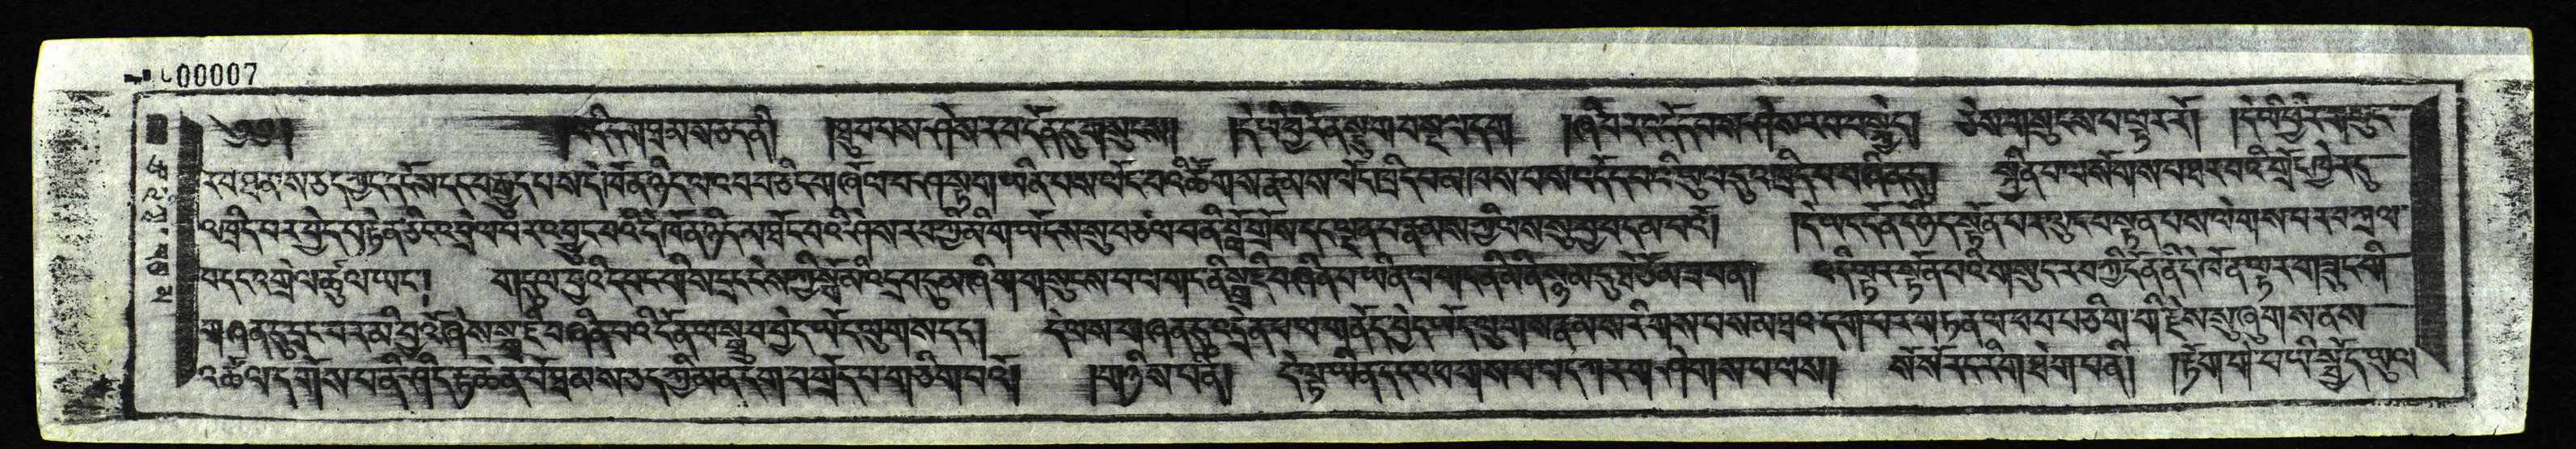༄༅། །འདི་དག་ཐམས་ཅད་ནི། །ཐུབ་པས་ཤེས་རབ་དོན་དུ་གསུངས། །དེའི་ཕྱིར་ན་སྡུག་བསྔལ་དང་། །ཞི་བར་འདོད་བས་ཤེས་རབ་བསྐྱེད། ཅེས་གསུངས་པ་ལྟར་རོ། །དེའི་ཕྱིར་གསུང་
རབ་ཐམས་ཅད་ཀྱང་དངོས་དང་བརྒྱུད་པས་དེ་ཁོ་ན་ཉིད་ལ་འབབ་ཅིང་གཞོལ་བ་ཤ་སྟག་ཡིན་པས་ལོང་བའི་ཚོགས་རྣམས་ལོང་ཁྲིད་བ་མཁས་པས་འདོད་པའི་ཡུལ་དུ་འཁྲིད་པ་བཞིན་དུ། སྦྱིན་པ་ལ་སོགས་པ་ཐར་བའི་གྲོང་ཁྱེར་དུ་
འཁྲིད་བར་བྱེད་པ་རྟེན་ཅིང་འབྲེལ་བར་འབྱུང་བའི་དེ་ཁོ་ན་ཉིད་མཐོང་བའི་ཤེས་རབ་ཀྱི་མིག་ཡོངས་སུ་བཙལ་བ་ནི་བློ་གྲོས་དང་ལྡན་པ་རྣམས་ཀྱི་ལས་སུ་བྱ་བ་དམ་པའོ། །དེ་ཡང་དོན་དེ་ཉིད་སྟོན་པར་ལུང་བསྟན་པས་ལེགས་པར་བཀྲལ་
བ་དང་འགྲེལ་ཚུལ་ཡང་། གདུལ་བྱའི་དབང་གིས་དྲང་ངེས་ཀྱི་སྒོ་མི་འདྲ་བ་དུ་མ་ཞིག་གསུངས་པ་ལ་གང་ནི་སྒྲ་ཇི་བཞིན་བ་ཡིན་ལ་གང་ནི་མིན་སྙམ་དུ་ཐེ་ཙོམ་ཟབ་ན། འདི་ལྟར་སྟོན་པའི་གསུང་རབ་ཀྱི་དོན་ནི་དེ་ཁོ་ན་ལྟར་གཟུང་གི་
གཞན་དུ་དྲང་བར་མི་བྱའོ་ཞེས་སྒྲ་ཇི་བཞིན་པའི་དོན་ལ་སྒྲུབ་བྱེད་ཡོད་ལུགས་དང་། དེ་ལས་གཞན་དུ་འདྲེན་པ་ལ་གནོད་བྱེད་ཡོད་ལུགས་རྣམས་རིགས་པས་མཐའ་དག་པར་གཏན་ལ་ཕབ་པ་ཅིག་གི་རྗེས་སུ་ཞུགས་ནས་
འཚལ་དགོས་པ་ནི་ཤིང་རྟ་ཆེན་པོ་ཐམས་ཅད་ཀྱི་མན་ངག་བགྲོད་པ་གཅིག་པའོ། །གཉིས་པ་ནི། དེ་ལྟ་ཡིན་དང་འཕགས་པ་དཀར་གཤེགས་པ་ལས། སོ་སོ་རང་རིག་ཐེག་པ་ནི། །རྟོག་གེ་པ་ཡི་སྤྱོད་ཡུལ་